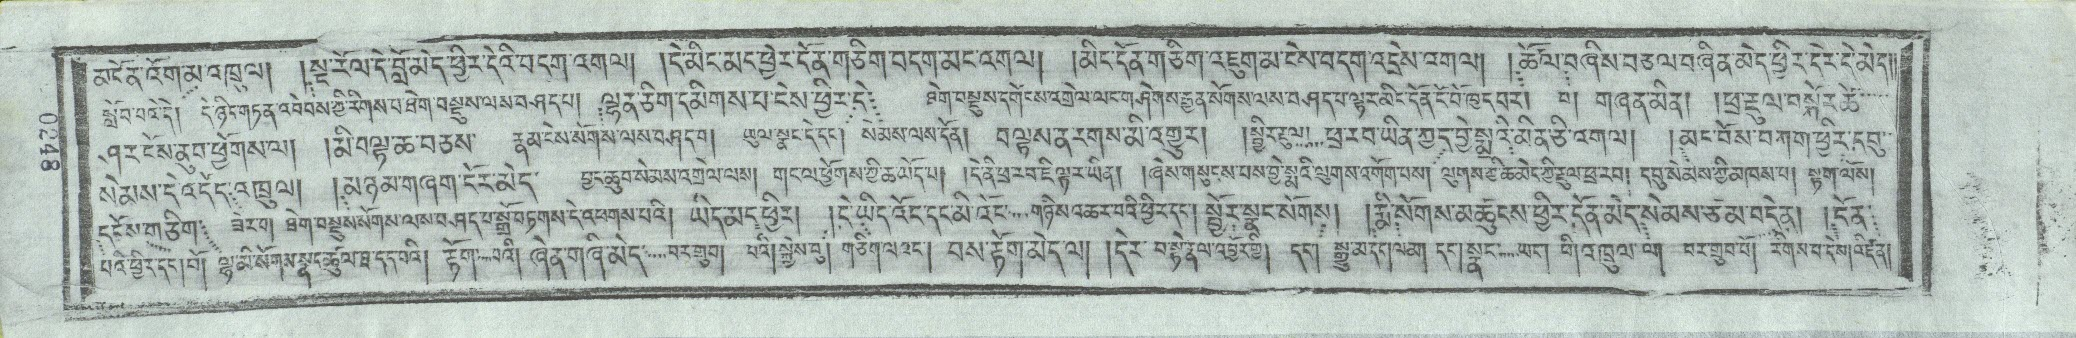མངོན། འོག་མ་འཁྲུལ། །སྔ་རོལ་དེ་བློ་མེད་ཕྱིར་དེའི་བདག་འགལ། །དེ་མིང་མང་ཕྱེར་དོན་གཅིག་བདག་མང་འགལ། །མིང་དོན་གཅིག་འཇུག་མ་ངེས་བདག་འདྲེས་འགལ། །ཚོལ་བཞིས་བཅལ་བཞིན་མེད་ཕྱིར་དེར་དེ་མེད། །
སློབ་བའི་དེ། དེ་ཉིད་གཏན་འཕེབས་ཀྱི་རིགས་བ་ཐེག་བསྡུས་ལས་བཤད་པ། ལྷན་ཅིག་དམྒིས་པ་ངེས་ཕྱིར་དེ་ཐེག་བསྡུས་དགོངས་འགྲེལ་ལང་གཤེགས་རྒྱན་སོགས་ལས་བཤད་པ་ལྟར་མིང་དོན་ངོ་ཁྱད་པར། བ་གཞན་མིན། །ཕྲ་རྡུལ་བསྐོར་ཚེ་
ཤར་ངོས་ནུབ་ཕྱོགས་ལ། །མི་བལྟ་ཆ་བཅས་རྣམ་ངེས་སོགས་ལས་བཤད་བ། ཡུལ་སྣང་དེ་དང་། སེམས་ལས་དོན། བལྟས་ན་རགས་མི་འགྱུར། །སྦྱིར་རྡུལ། ཕྲ་རབ་ཡིན་ཀྱང་བྱེ་སྨྲའི་མིན་ཅི་འགལ། །མང་བོས་བཀང་ཕྱིར་དབུ་
སེམས་དེ་འདོད་འཁྲུལ། །མཉམ་གཞག་ངོར་མེད་བྱང་ཆུབ་སེམས་འགྲེལ་ལས། གང་ལ་ཕྱོགས་ཀྱི་ཆ་ལོད་པ། །དེ་ནི་ཕྲ་རབ་ཇི་ལྟར་ཡིན། །ཞེས་གསུངས་པས་བྱེ་སྨྲའི་ལུགས་འགོག་པས། ལུགས་ཀྱི་ཆེ་མེད་ཀྱི་རྡུལ་ཕྲ་རབ། དབུ་སེམས་ཀྱི་མྷས་པ། སྟག་ལོས།
དངོས་གཅིག་ཟེར་བ། ཐེག་བསྡུས་སོགས་ལས་བཤད་བསྒྲོ་བཏགས་དེ་འཕགས་པའི། ཡིད་མད་ཕྱིར། །དེ་ཡིད་འོང་དང་མི་འོང་གཉིས་འཆར་བའི་ཕྱིར་དང་། སྦྱོར་སྣང་སོགས། །རྨི་སོགས་མཚུངས་ཕྱིར་དོན་མེད་སེམས་ཙམ་བདེན། །དོན་
པའི་བྱིར་དང་། བོ། ལྷ་མི་སོགས་སྣང་ཚུལ་ཐ་དད་པའི། རྟོག་བའི། ཞེན་གཞི་མེད་བར་གྲུབ། བའི། སྐྱེས་བུ། གཅིག་ལའང་། བས་རྟོག་མེད་ལ། །དེར་བསྟེན་ལ་འབྱོར་གྱི། དང་སྒྱུ་མ་དང་། ལམ། དང་། སྣང་ཡང་། ཕི། འཁྲུལ་ལ། བར་གྲུབ་བོ། རིགས་པ་དེས། འཛིན་